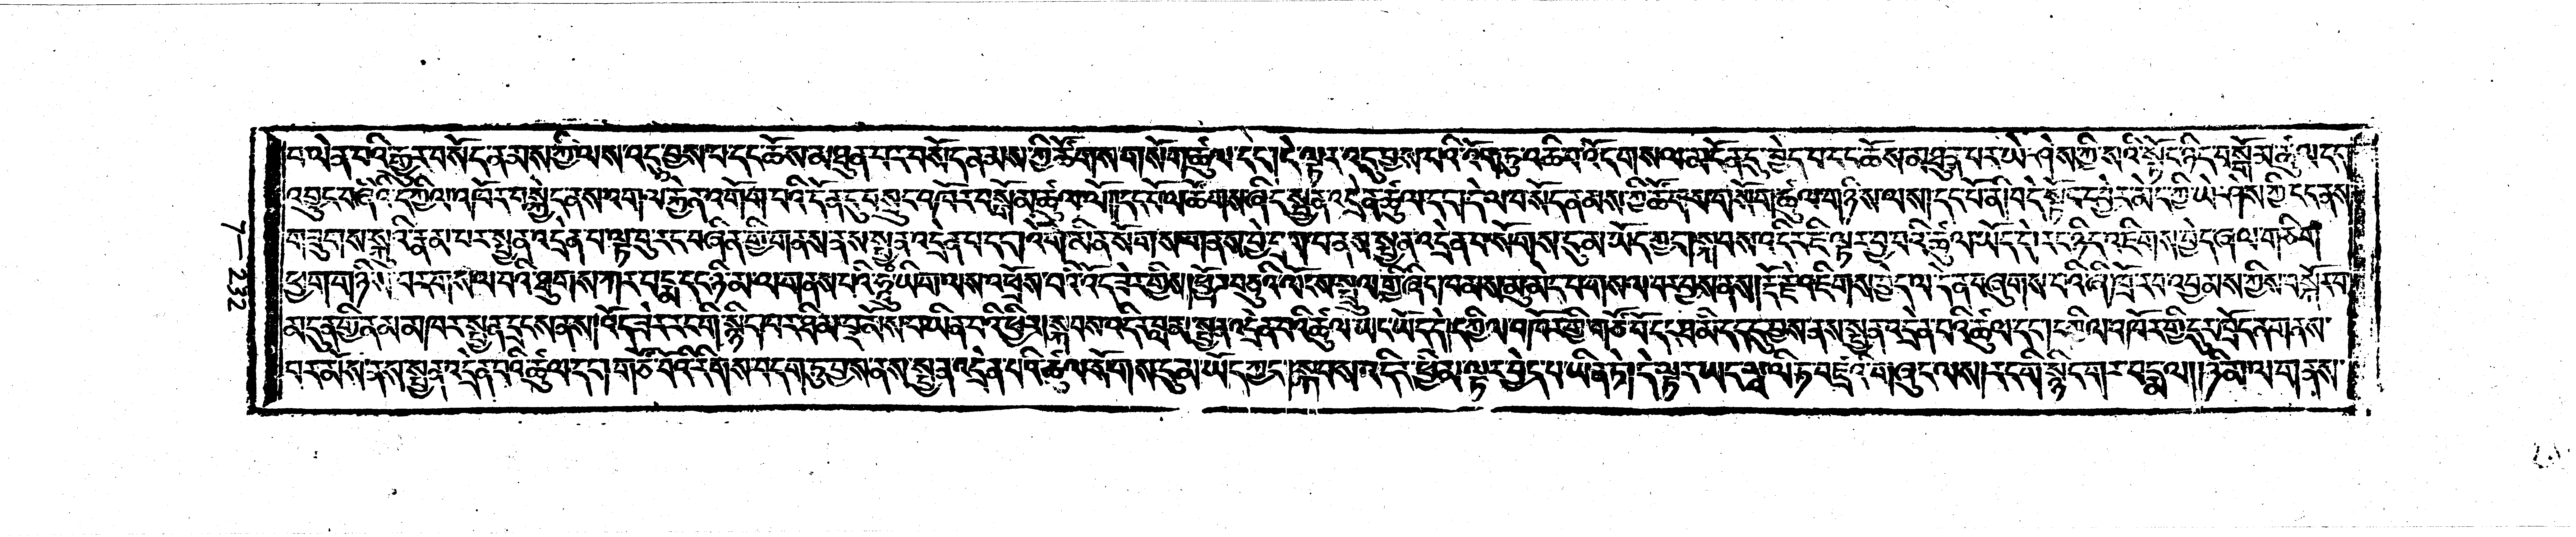བ་ལེན་པའི་རྒྱུར་བསོད་ནམས་ཀྱི་ལས་འདུ་བྱས་པ་དང་ཆོས་མཐུན་པར་བསོད་ནམས་ཀྱི་ཚོགས་གསོག་ཚུལ་དང་། དེ་ལྟར་འདུ་བྱས་པའི་འོག་ཏུ་འཆི་བ་འོད་གསལ་མངོན་དུ་བྱེད་པ་དང་ཆོས་མཐུན་པར་ཡེ་ཤེས་ཀྱི་སའི་སྟོང་ཉིད་བསྒོམ་ཚུལ་དང་
འབྱུང་བཞིའི་དཀྱིལ་འཁོར་བསྐྱེད་ནས་འགལ་རྐྱེན་འགོག་པའི་དོན་དུ་བསྲུང་འཁོར་བསྒོམ་ཚུལ་ལོ། །དང་པོ་ལ་ཚོགས་ཞིང་སྤྱན་འདྲེན་ཚུལ་དང་། དེ་ལ་བསོད་ནམས་ཀྱི་ཚོགས་གསོག་ཚུལ་གཉིས་ལས། དང་པོ་ནི། བདེ་སྟོང་དབྱེར་མེད་ཀྱི་ཡེ་ཤེས་ཀྱི་ངང་ནས་
གཟུགས་སྐུའི་རྣམ་པར་སྤྱན་འདྲེན་པ་ལྟ་བུ་རང་བཞིན་གྱི་གནས་ནས་སྤྱན་འདྲེན་པ་དང་། འོག་མིན་སོགས་གནས་བྱེ་བྲག་པ་ནས་སྤྱན་འདྲེན་པ་སོགས་དུ་མ་ཡོད་ཀྱང་། སྐབས་འདིར་ཇི་ལྟར་བྱ་བའི་ཚུལ་ཡོད་དེ། རང་ཉིད་འཇིགས་བྱེད་ཞལ་གཅིག་
ཕྱག་གཉིས་པར་གསལ་བའི་ཐུགས་ཀར་པདམ་དང་ཉི་མ་ལ་གནས་པའི་ཧཱུཾ་ཡིག་ལས་འཕྲོས་པའི་འོད་ཟེར་གྱིས། ཕྱོགས་བཅུའི་ལོངས་སྤྲུལ་གྱི་ཞིང་ཁམས་མུ་མེད་པ་གསལ་བར་བྱས་ནས། རྡོ་རྗེ་འཇིགས་བྱེད་ལ་དེ་ན་བཞུགས་པའི་ཞི་ཁྲོ་རབ་འབྱམས་ཀྱིས་བསྐོར་བ་
མདུན་གྱི་ནམ་མཁར་སྤྱན་དྲངས་ནས། འོད་ཟེར་རང་གི་སྙིང་ཁར་ཐིམ་པར་མོས་པ་ཡིན་པའི་ཕྱིར། སྐབས་འདིར་བླ་མ་སྤྱན་འདྲེན་པའི་ཚུལ་ཡང་ཡོད་དེ། དཀྱིལ་འཁོར་གྱི་གཙོ་བོ་དང་ཐ་མི་དད་དུ་བྱས་ནས་སྤྱན་འདྲེན་པའི་ཚུལ་དང་། དཀྱིལ་འཁོར་གྱི་དུར་ཁྲོད་ན་གནས་
པར་མོས་ནས་སྤྱན་འདྲེན་པའི་ཚུལ་དང་། གཙོ་བོའི་རིགས་བདག་ཏུ་བྱས་ནས་སྤྱན་འདྲེན་པའི་ཚུལ་སོགས་དུ་མ་ཡོད་ཀྱང་། སྐབས་འདིར་ཕྱི་མ་ལྟར་བྱེད་པ་ཡིན་ཏེ། དེ་ལྟར་ཡང་ལཱ་ལི་ཏ་བཛྲའི་གཞུང་ལས། རང་གི་སྙིང་གར་པདམ་ལ། །ཉི་མ་ལ་གནས་